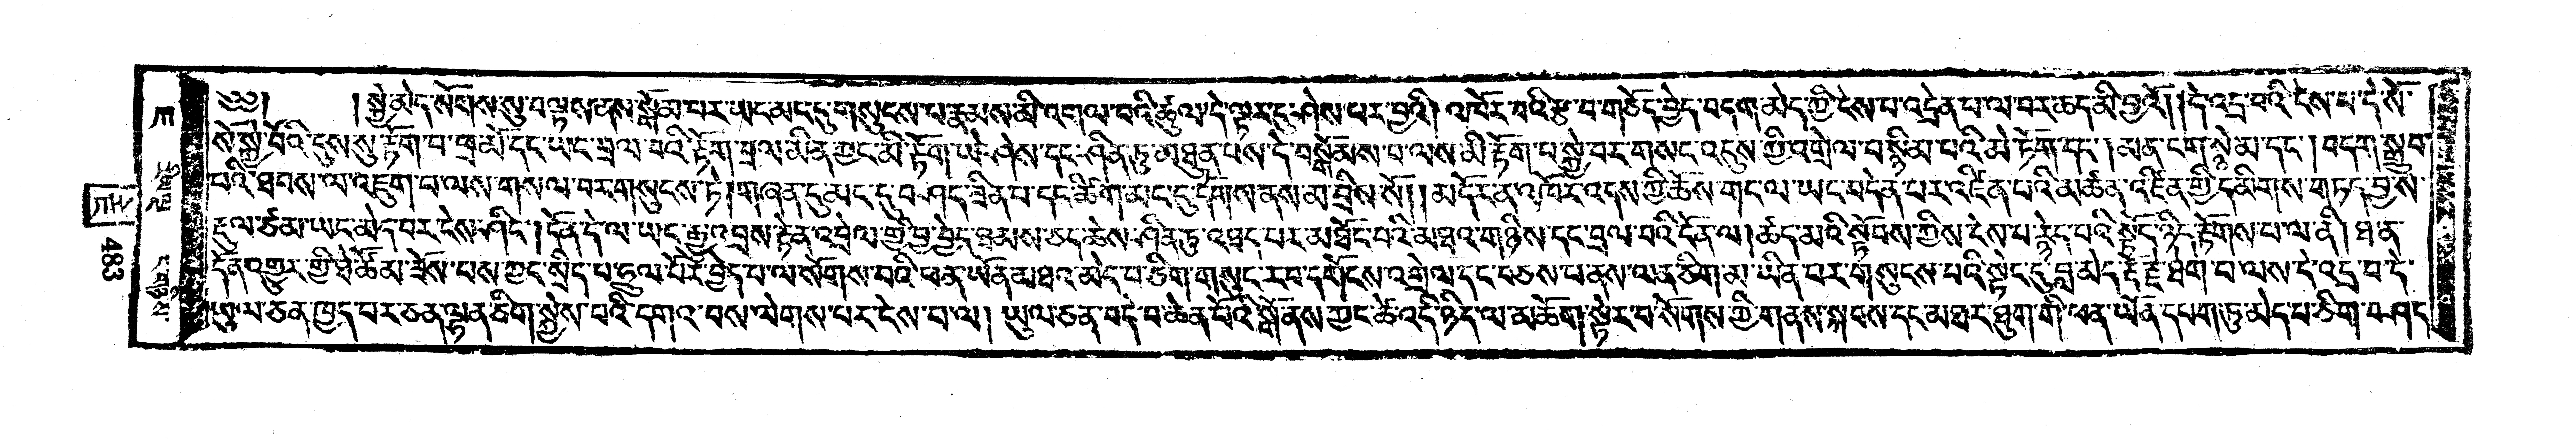༄༅། །སྐྱེ་མེད་སོགས་སུ་བལྟས་ནས་སྒོམ་པར་ཡང་མང་དུ་གསུངས་པ་རྣམས་མི་འགལ་བའི་ཚུལ་དེ་ལྟར་དུ་ཤེས་པར་བྱའི། འཁོར་བའི་རྩ་བ་གཅོད་བྱེད་བདག་མེད་ཀྱི་ངེས་པ་འདྲེན་པ་ལ་བར་ཆད་མི་བྱའོ། །དེ་འདྲ་བའི་ངེས་པ་དེ་སོ་
སོ་སྐྱེ་བོའི་དུས་སུ་རྟོག་པ་ཕྲ་མོ་དང་ཡང་བྲལ་བའི་རྟོག་བྲལ་མིན་ཀྱང་མི་རྟོག་ཡེ་ཤེས་དང་ཤིན་ཏུ་མཐུན་པས་དེ་བསྒོམས་པ་ལས་མི་རྟོག་པ་སྐྱེ་བར་གསང་འདུས་ཀྱི་འགྲེལ་པ་སྙིམ་པའི་མེ་ཏོག་དང་། མན་ངག་སྙེ་མ་དང་། བདག་སྒྲུབ་
པའི་ཐབས་ལ་འཇུག་པ་ལས་གསལ་བར་གསུངས་ཏེ། གཞན་དུ་མང་དུ་བཤད་ཟིན་པ་དང་ཚིག་མང་དུ་དོགས་ནས་མ་བྲིས་སོ། །མདོར་ན་འཁོར་འདས་ཀྱི་ཆོས་གང་ལ་ཡང་བདེན་པར་འཛིན་པའི་མཚན་འཛིན་གྱི་དམིགས་གཏད་བྱས་
རྡུལ་ཙམ་ཡང་མེད་པར་ངེས་ཤིང་། དོན་དེ་ལ་ཡང་རྒྱུ་འབྲས་རྟེན་འབྲེལ་གྱི་བྱ་བྱེད་ཐམས་ཅད་ཆེས་ཤིན་ཏུ་འཐད་པར་མཐོང་བའི་མཐའ་གཉིས་དང་བྲལ་བའི་དོན་ལ། ཚད་མའི་སྟོབས་ཀྱིས་ངེས་པ་རྙེད་པའི་སྟོང་ཉིད་རྟོགས་པ་ལ་ནི། ཐ་ན་
དོན་འགྱུར་གྱི་ཐེ་ཚོམ་ཟོས་པས་ཀྱང་སྲིད་པ་ཧྲུལ་པོར་བྱེད་པ་ལ་སོགས་པའི་ཕན་ཡོན་མཐའ་མེད་པ་ཅིག་གསུང་རབ་དགོངས་འགྲེལ་དང་བཅས་པ་ནས་ལན་ཅིག་མ་ཡིན་པར་གསུངས་པའི་སྟེང་དུ་བླ་མེད་རྡོ་རྗེ་ཐེག་པ་ལས་དེ་འདྲ་བ་དེ་
ཡུལ་ཅན་ཁྱད་པར་ཅན་ལྷན་ཅིག་སྐྱེས་པའི་དགའ་བས་ལེགས་པར་ངེས་པ་ལ། ཡུལ་ཅན་བདེ་བ་ཆེན་པོའི་སྒོ་ནས་ཀྱང་ཚེ་འདི་ཉིད་ལ་མཆོག་སྟེར་བ་སོགས་ཀྱི་གནས་སྐབས་དང་མཐར་ཐུག་གི་ཕན་ཡོན་དཔག་ཏུ་མེད་པ་ཅིག་བཤད་